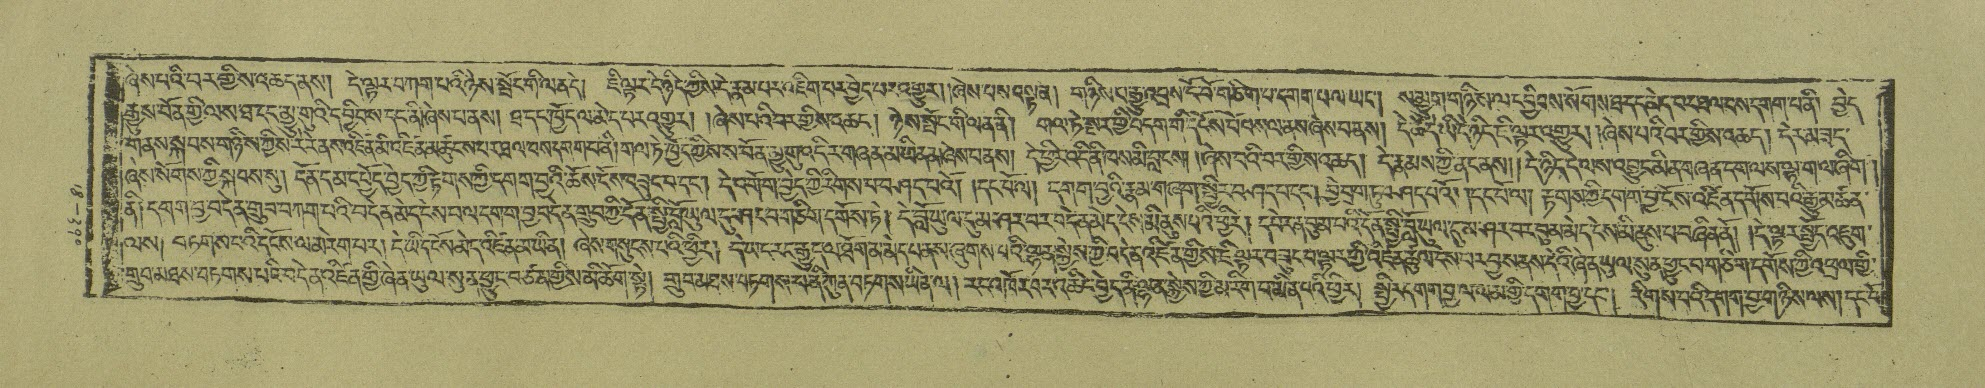ཞེས་པའི་བར་གྱིས་འཆད་ནས། དེ་ལྟར་བཀག་པའི་ཉེས་སྤོང་གི་ལན་དེ། ཇི་ལྟར་དེ་ཉིད་ཀྱིས་དེ་རྣམ་པར་འཇིག་པར་བྱེད་པར་འགྱུར། །ཞེས་པས་བསྟན། གཉིས་པ་རྒྱུ་འབྲས་ངོ་བོ་གཅིག་པ་དགག་པ་ལ་ཡང་། ས་མྱུག་གཉིས་ལ་དབྱིབས་སོགས་ཐ་དད་མེད་པར་ཐལ་བས་དགག་པ་ནི། བྱེད་
རྒྱུ་ས་བོན་གྱི་ལས་ཐ་དད་མྱུ་གའི་དབྱིབས་དང་ནི། ཞེས་པ་ནས། ཐ་དང་ཁྱོད་ལ་མེད་པར་འགྱུར། །ཞེས་པའི་བར་གྱིས་འཆད། ཉེས་སྤོང་གི་ལན་ནི། གལ་ཏེ་སྦྱར་གྱི་བདག་གི་དངོས་པོ་བསལ་ནས་ཞེས་པ་ནས། དེ་ཚེ་དེ་ཡི་དེ་ཉིད་ཇི་ལྟར་འགྱུར། །ཞེས་པའི་བར་གྱིས་འཆད། དེར་མ་ཟད་
གནས་སྐབས་གཉིས་ཀྱིས་རེ་རེ་ནས་འཛིན་མི་འཛིན་མཚུངས་པར་ཐལ་བས་དགག་པ་ནི། གལ་ཏེ་ཁྱོད་ཀྱིས་ས་བོན་མྱུ་གུ་འདིར་གཞན་མ་ཡིན་ན། ཞེས་པ་ནས། དེ་ཕྱིར་འདི་ནི་ཁས་མི་བླངས། །ཞེས་པའི་བར་གྱིས་འཆད། དེ་རྣམས་ཀྱི་ནང་ནས། དེ་ཉིད་དེ་ལས་འབྱུང་མིན་གཞན་དག་ལས་ལྟ་ག་ལ་ཞིག་
ཞེས་སོགས་ཀྱི་སྐབས་སུ། དོན་དམ་དཔྱོད་བྱེད་ཀྱི་རྟགས་ཀྱི་དགག་བྱའི་ཆོས་ངོས་བཟུང་བ་དང་། དེ་འགོག་བྱེད་ཀྱི་རིགས་པ་བཤད་པའོ། །དང་པོ་ལ། དགག་བྱའི་རྣམ་གཞག་སྤྱིར་བཤད་པ་དང་། བྱེ་བྲག་ཏུ་བཤད་པའོ། །དང་པོ་ལ། རྟགས་ཀྱི་དགག་བྱ་ངོས་འཛིན་དགོས་པའི་རྒྱུ་མཚན་
ནི། དགག་བྱ་བདེན་གྲུབ་བགག་པའི་བདེན་མེད་ངེས་པ་ལ་དགག་བྱ་བདེན་གྲུབ་ཀྱི་དོན་སྤྱི་བློ་ཡུལ་དུ་ཤར་བ་གཅིག་དགོས་ཏེ། དེ་བློ་ཡུལ་དུ་མ་ཤར་བར་བདེན་མེད་ངེས་མི་ནུས་པའི་ཕྱིར། དཔེར་ན་བུམ་པའི་དོན་སྤྱི་བློ་ཡུལ་དུ་མ་ཤར་བར་བུམ་མེད་ངེས་མི་ནུས་པ་བཞིན་ནོ། །དེ་ལྟར་སྤྱོད་འཇུག་
ལས། བཏགས་པའི་དངོས་ལ་མ་རེག་པར། དེ་ཡི་དངོས་མེད་འཛིན་མ་ཡིན། ཞེས་གསུངས་པའི་ཕྱིར། དེ་ཡང་རང་རྒྱུད་ལ་ཐོག་མ་མེད་པ་ནས་ཞུགས་པའི་ལྷན་སྐྱེས་ཀྱི་བདེན་འཛིན་གྱིས་ཇི་ལྟར་བཟུང་བ་ལྟར་གྱི་འཛིན་ཚུལ་ངེས་པར་བྱས་ནས་དེའི་ཞེན་ཡུལ་སུན་ཕྱུང་བ་གཅིག་དགོས་ཀྱི་འཕྲལ་གྱི་
གྲུབ་མཐས་བཏགས་པའི་བདེན་འཛིན་གྱི་ཞེན་ཡུལ་སུན་ཕྱུང་བ་ཙམ་གྱིས་མི་ཆོག་སྟེ། གྲུབ་མཐས་བཏགས་པ་ནི་ཀུན་བཏགས་ཡིན་ལ། རང་འཁོར་བར་འཆིང་བྱེད་ནི་ལྷན་སྐྱེས་ཀྱི་མ་རིག་པ་ཡིན་པའི་ཕྱིར། སྤྱིར་དགག་བྱ་ལ་ལམ་གྱི་དགག་བྱ་དང་། རིགས་པའི་དགག་བྱ་གཉིས་ལས། དང་པོ་